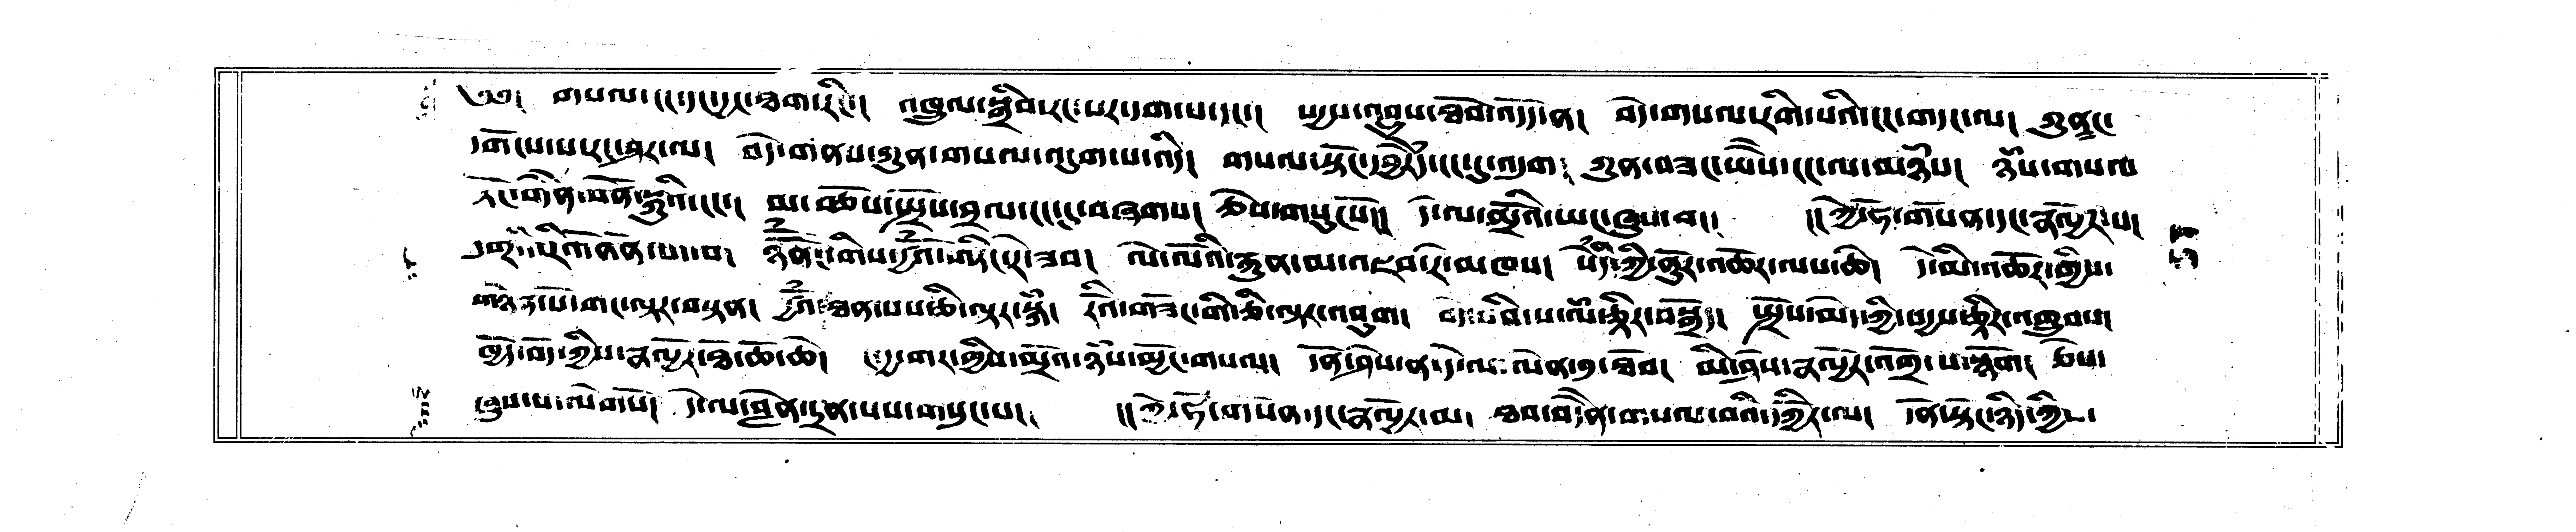གསལ་ངང་དང་རྒྱང་ཐག་རིང་། འཁྲུལ་སྒྲིབ་རང་སར་དག་པ་དང་། འབྲས་བུ་སངས་རྒྱས་ཐོབ་འདོད་ན། བདེ་གསལ་རིག་པའི་རང་གདངས་ལ། ཀུན་བཟང་
དགོངས་པ་རང་ཤར་ལ། བདེ་གནས་ཀུན་གསལ་འདུག་པ་འདི། གསལ་སྟོང་དབྱེར་མེད་ངང་དུ་འདུག ཀུན་བཟང་ཡེ་ཤེས་ངང་ལ་མཉམ། ཉམས་གསལ་
སྟོང་བདེ་ཆེན་བོན་སྐུའི་ངང་། མ་བཅོས་སྤྲོས་བྲལ་ངང་དུ་བཞག ཅེས་གསུངས་སོ། །དེ་ལ་མཁའ་འགྲོས་ཡང་ཞུས་པ། ཀྱེ་ཧོ་གསོན་དང་རྣལ་འབྱོར་པ། 
དུག་ལྔའི་རི་བོ་ནོན་པ་ལ། ཉོན་མོང་གི་རྒྱ་མཚོ་གཏིང་རེ་ཟབ། ལེ་ལོའི་རྐུན་མ་འཇབ་རེ་མཁས། སེམས་ཉིད་ཀྱི་ནོར་བུ་འཆོར་ལས་ཆེ། དེ་མི་འཆོར་གྱིས་
གཉེན་པོ་གང་ལྟར་བསྟན། རྒྱ་མཚོ་ཐན་པས་ཅི་ལྟར་བསྐམ། རི་བོ་གཟོང་གིས་ཅི་ལྟར་འབུག བདེ་བའི་ས་ལམ་ཅི་ལྟར་བགྲོད། སྤྲོས་མེད་ཀྱི་སངས་རྒྱས་ཅི་ལྟར་འགྲུབ། 
ཁྱོད་བོད་ཀྱི་རྣལ་འབྱོར་ཐོ་ཆོ་ཆེ། ང་རྒྱ་གར་གྱི་མཁའ་འགྲོ་ཉམས་མྱོང་གསལ། དོན་ཤེས་ན་དེ་ལ་ལན་ཅིག་ཐོབས། མི་ཤེས་རྣལ་འབྱོར་འགྲོ་ས་སྙོགས། ཅེས་
ཞུས་པ་ལེགས་སོ། དེ་ལ་བླ་ཆེན་དྲན་པས་གསུངས་པ། །ཀྱེ་ཧོ་གསོན་དང་རྣལ་འབྱོར་མ། ཐབས་བདེ་ཆེན་གསལ་བའི་དཀྱིལ་འཁོར་ལ། དོན་སྟོང་ཉིད་ཀྱི་